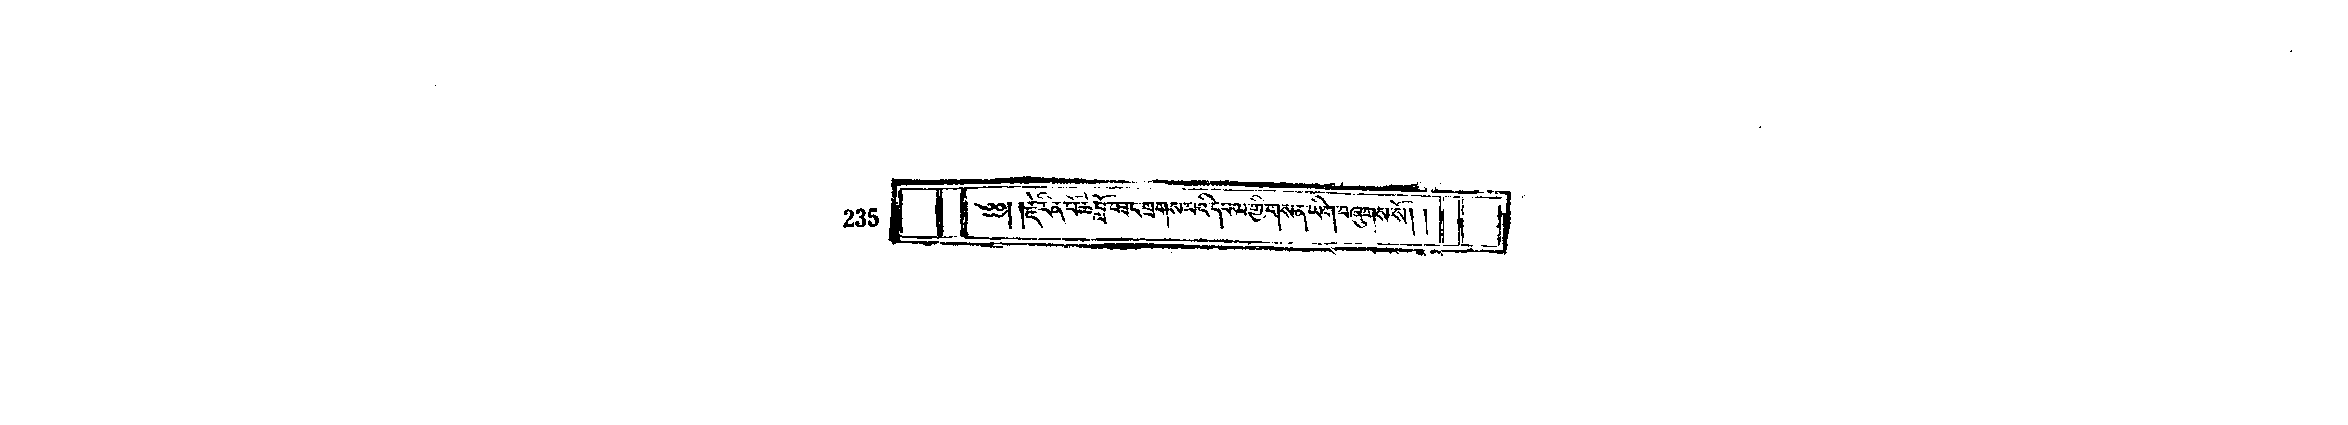༄༅། །རྗེ་རིན་པོ་ཆེ་བློ་བཟང་གྲགས་པའི་དཔལ་གྱི་གསན་ཡིག་བཞུགས་སོ། །